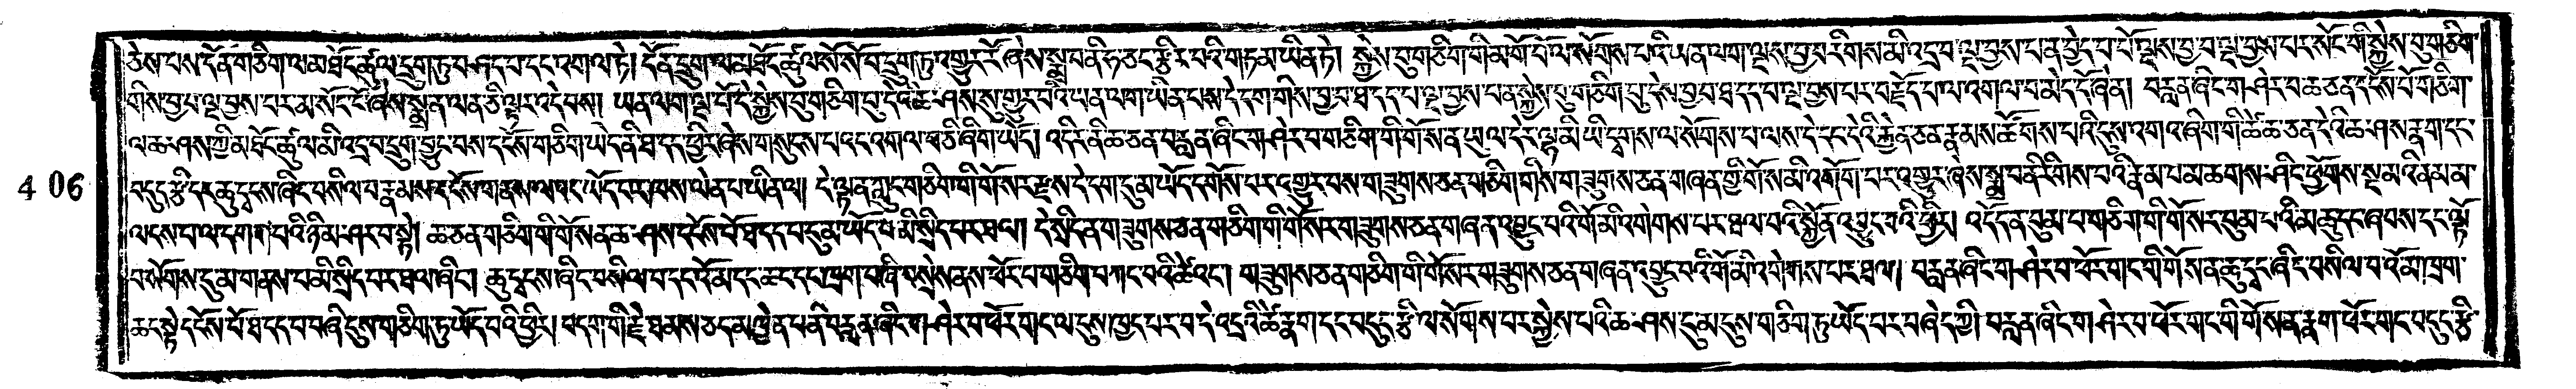ཅེས་པས་དོན་གཅིག་ལ་མཐོང་ཚུལ་དྲུག་ཏུ་བཤད་པ་དང་འགལ་ཏེ། དོན་དྲུག་ལ་མཐོང་ཚུལ་སོ་སོ་བ་དྲུག་ཏུ་འགྱུར་རོ་ཞེས་སྨྲ་བ་ནི་ཧ་ཅང་རྩིང་བའི་གཏམ་ཡིན་ཏེ། སྐྱེས་བུ་གཅིག་གི་མགོ་བོ་ལ་སོགས་པའི་ཡན་ལག་ལྔས་བྱ་བ་རིགས་མི་འདྲ་བ་ལྔ་བྱས་པ་ན་བྱེད་པ་པོ་ལྔས་བྱ་བ་ལྔ་བྱས་པར་སོང་གི་སྐྱེས་བུ་གཅིག་
གིས་བྱ་བ་ལྔ་བྱས་པར་མ་སོང་ངོ་ཞེས་སྨྲ་ན་ལན་ཅི་ལྟར་འདེབས། ཡན་ལག་ལྔ་པོ་དེ་སྐྱེས་བུ་གཅིག་བུ་དེའི་ཆ་ཤེས་སུ་གྱུར་པའི་ཡན་ལག་ཡིན་པས་དེ་དག་གིས་བྱ་བ་ཐ་དད་པ་ལྔ་བྱས་པ་ན་སྐྱེས་བུ་གཅིག་པུ་དེས་བྱ་བ་ཐ་དད་པ་ལྔ་བྱས་པར་བརྗོད་པ་ལ་འགལ་བ་མེད་དོ་ཞེ་ན། བརླན་ཞིང་གཤེར་བ་ཆ་ཅན་དངོས་པོ་གཅིག་
ལ་ཆ་ཤས་ཀྱི་མཐོང་ཚུལ་མི་འདྲ་བ་དྲུག་བྱུང་བས་དངོས་གཅིག་ཡིད་ནི་ཐ་དད་ཕྱིར་ཞེས་གསུངས་པའང་འགལ་བ་ཅི་ཞིག་ཡོད། འདིར་ནི་ཆ་ཅན་བརླན་ཞིང་གཤེར་བ་གཅིག་གི་གོ་ས་ན་ཡུལ་དེར་ལྷ་མི་ཡི་དྭགས་ལ་སོགས་པ་ལས་དེ་དང་དེའི་རྐྱེན་ཅན་རྣམས་ཚོགས་པའི་དུས་འགའ་ཞིག་གི་ཚེ་ཆ་ཅན་དེའི་ཆ་ཤེས་རྣག་དང་
བདུད་རྩི་དང་ཆུ་དྭངས་ཞིང་བསིལ་བ་རྣམས་དངོས་གནས་ལའང་ཡོད་པར་ཁས་ལེན་པ་ཡིན་ལ། དེ་ལྟ་ན་ཀླུང་གཅིག་གི་གོ་སར་རྫས་དེ་དག་དུ་མ་ཡོད་དགོས་པར་འགྱུར་བས་གཟུགས་ཅན་གཅིག་གིས་གཟུགས་ཅན་གཞན་གྱི་གོ་ས་མི་འགོག་པར་འགྱུར་ཞེས་སྨྲ་བ་ནི་རིགས་པའི་རྣམ་པ་མ་ཆགས་ཤིང་ཕྱོགས་སྔ་མའི་ནམ་མ་
ལངས་པ་ལ་དགག་པའི་ཉི་མ་ཤར་བ་སྟེ། ཆ་ཅན་གཅིག་གི་གོ་སན་ཆ་ཤས་དངོས་པོ་ཐ་དད་པ་དུ་མ་ཡོད་པ་མི་སྲིད་པར་ཐལ། དེ་སྲིད་ན་གཟུགས་ཅན་གཅིག་གི་གོ་སར་གཟུགས་ཅན་གཞན་འབྱུང་པའི་གོ་མི་འགེགས་པར་ཐལ་བའི་སྐྱོན་འབྱུང་བའི་ཕྱིར། འདོད་ན་བུམ་པ་གཅིག་གི་གོ་སར་བུམ་པའི་མཆུ་དང་ཞབས་དང་ལྟོ་
བ་སོགས་དུ་མ་གནས་པ་མི་སྲིད་པར་ཐལ་ཞིང་། ཆུ་དྭངས་ཞིང་བསིལ་བ་དང་འོ་མ་དང་ཆང་དང་ཁྲག་བཞི་བསྲེས་ནས་ཕོར་པ་གཅིག་བཀད་བའི་ཚེའང་། གཟུགས་ཅན་གཅིག་གི་གོ་སར་གཟུགས་ཅན་གཞན་འབྱུང་བའི་གོ་མི་འགེགས་པར་ཐལ། བརླན་ཞིང་གཤེར་བ་ཕོར་གང་གི་གོས་ན་ཆུ་དྭང་ཞིང་བསིལ་བ་འོ་མ་ཁྲག་
ཆང་སྟེ་དངོས་པོ་ཐ་དད་པ་བཞི་དུས་གཅིག་ཏུ་ཡོད་བའི་ཕྱིར། བདག་གི་རྗེ་ཐམས་ཅད་མཁྱེན་པ་ནི་བརླན་ཞིང་གཤེར་བ་ཕོར་གང་ལ་དུས་ཁྱད་པར་བ་དེ་འདྲའི་ཚེ་རྣག་དང་བདུད་རྩི་ལ་སོགས་པར་སྐྱེས་པའི་ཆ་ཤས་དུ་མ་དུས་གཅིག་ཏུ་ཡོད་པར་བཞེད་ཀྱི། བརླན་ཞིང་གཤེར་བ་ཕོར་གང་གི་གོ་སན་རྣག་ཕོར་གང་བདུད་རྩི་